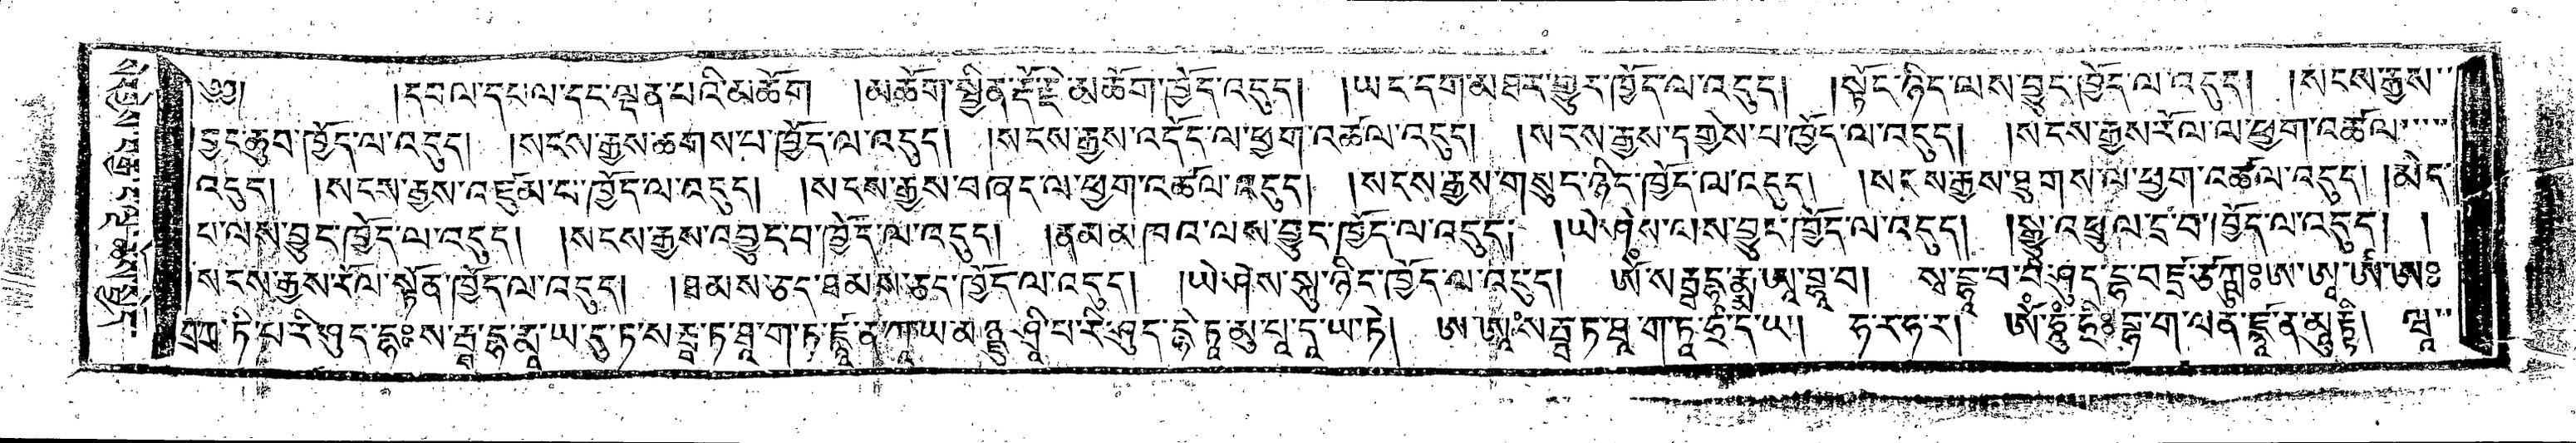༄༅། །དཔལ་དཔལ་དང་ལྡན་པའི་མཆོག །མཆོག་སྦྱིན་རྡོ་རྗེ་མཆོག་ཁྱོད་འདུད། །ཡང་དག་མཐར་གྱུར་ཁྱོད་ལ་འདུད། །སྟོང་ཉིད་ལས་བྱུང་ཁྱོད་ལ་འདུད། །སངས་རྒྱས་
བྱང་ཆུབ་ཁྱོད་ལ་འདུད། །སངས་རྒྱས་ཆགས་པ་ཁྱོད་ལ་འདུད། །སངས་རྒྱས་འདོད་ལ་ཕྱག་འཚལ་འདུད། །སངས་རྒྱས་དགྱེས་པ་ཁྱོད་ལ་འདུད། །སངས་རྒྱས་རོལ་ལ་ཕྱག་འཚལ་
འདུད། །སངས་རྒྱས་འཛུམ་པ་ཁྱོད་ལ་འདུད། །སངས་རྒྱས་བཞད་ལ་ཕྱག་འཚལ་འདུད། །སངས་རྒྱས་གསུང་ཉིད་ཁྱོད་ལ་འདུད། །སངས་རྒྱས་ཐུགས་ལ་ཕྱག་འཚལ་འདུད། །མེད་
པ་ལས་བྱུང་ཁྱོད་ལ་འདུད། །སངས་རྒྱས་འབྱུང་བ་ཁྱོད་ལ་འདུད། །ནམ་མཁའ་ལས་བྱུང་ཁྱོད་ལ་འདུད། །ཡེ་ཤེས་ལས་བྱུང་ཁྱོད་ལ་འདུད། །སྒྱུ་འཕྲུལ་དྲ་བ་ཁྱོད་ལ་འདུད། །
སངས་རྒྱས་རོལ་སྟོན་ཁྱོད་ལ་འདུད། །ཐམས་ཅད་ཐམས་ཅད་ཁྱོད་ལ་འདུད། །ཡེ་ཤེས་སྐུ་ཉིད་ཁྱོད་ལ་འདུད། ཨོཾ་སརྦྦ་དྷ་རྨྨ་ཨཱ་བྷཱ་བ། སྭ་དྷཱ་བ་བི་ཤུད་དྷ་བྫྲ་ཙྐྵུཿ ཨ་ཨཱ་ཨི་ཨཿ
བྲ་ཀྲི་ཏི་པ་རི་ཤུད་དྷཿ སརྦྦ་དྷ་རྨཱ་ཡ་དུ་ཏ་སརྦྦ་ཏ་ཐཱ་ག་ཏ་ཛྙཱ་ན་ཀཱ་ཡ་མཉྫུ་ཤྲཱི་པ་རི་ཤུད་དྷེ་ཏཱ་མུ་པཱ་དཱ་ཡ་ཏེ། ཨ་ཨཱ་སརྦྦ་ཏ་ཐཱ་ག་ཏཱ་ཧྲི་ད་ཡ། ཧ་ར་ཧ་ར། ཨོཾ་ཧཱུཾ་ཧྲིཿ བྷ་ག་ལན་ཛྙཱ་ན་མཱུ་རྟྟི། ཝཱ་